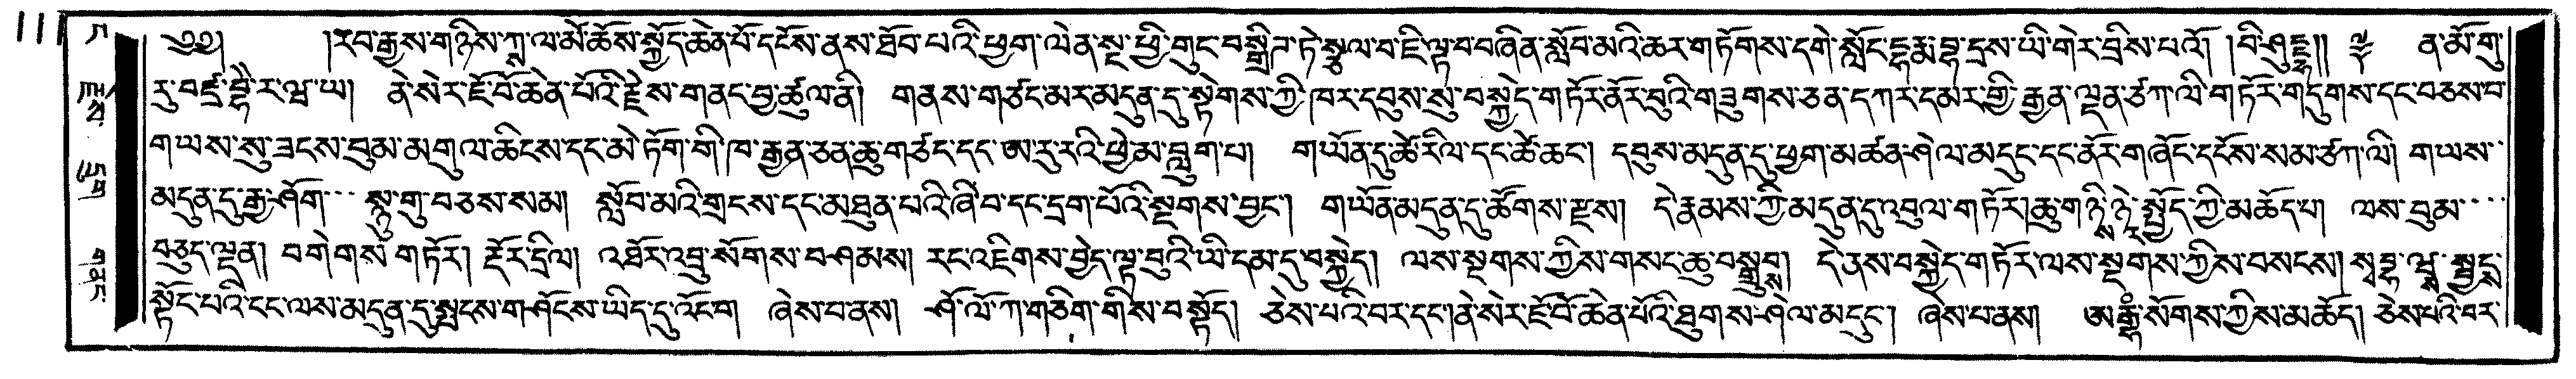༈ ན་མོ་གུ་
རུ་བྫྲ་བྷཻ་ར་ཝ་ཡ། ནེ་སེར་ཇོ་བོ་ཆེན་པོའི་རྗེས་གནང་བྱ་ཚུལ་ནི། གནས་གཙང་མར་མདུན་དུ་སྟེགས་ཀྱི་ཁར་དབུས་སུ་བསྐྱེད་གཏོར་ནོར་བུའི་གཟུགས་ཅན་དཀར་དམར་གྱི་རྒྱན་ལྡན་ཙྐ་ལི་གཏོར་གདུགས་དང་བཅས་པ་
གཡས་སུ་ཟངས་བུམ་མགུལ་ཆིངས་དང་མེ་ཏོག་གི་ཁ་རྒྱན་ཅན་ཐུ་གཙང་དང་ཨ་རུ་རའི་ཕྱེ་མ་བླུག་པ། གཡོན་དུ་ཚེ་རིལ་དང་ཚེ་ཆང་། དབུས་མདུན་དུ་ཕྱག་མཚན་ཞེལ་མདུང་དང་ནོར་གཞོང་དངོས་སམ་ཚཀ་ལི། གཡས་
མདུན་དུ་རྒྱ་ཤོག་སྙུ་གུ་བཅས་སམ། སློབ་མའི་གྲངས་དང་མཐུན་པའི་ཞི་བ་དང་དྲག་པོའི་སྔགས་བྱང་། གཡོན་མདུན་དུ་ཚོགས་རྫས། དེ་རྣམས་ཀྱི་མདུན་དུ་འབུལ་གཏོར། ཆུ་གཉིས་ཉེར་སྤྱོད་ཀྱི་མཆོད་པ། ལས་བུམ་
བཅུད་ལྡན། བགེགས་གཏོར། རྡོར་དྲིལ། འཐོར་འབྲུ་སོགས་བཤམས། རང་འཇིགས་བྱེད་ལྟ་བུའི་ཡི་དམ་དུ་བསྐྱེད། ལས་སྔགས་ཀྱིས་གསང་ཆུ་བསྒྲུབས། དེ་ནས་བསྐྱེད་གཏོར་ལས་སྔགས་ཀྱིས་བསངས། སྭ་བྷ་ཝས་སྦྱངས་
སྟོང་པའི་ངང་ལས་མདུན་དུ་སྤངས་གཤོངས་ཡིད་དུ་འོང་བ། ཞེས་པ་ནས། ཤོ་ལོ་ཀ་གཅིག་གིས་བསྟོད། ཅེས་པའི་བར་དང་། ནེ་སེར་ཇོ་བོ་ཆེན་པོའི་ཐུགས་ཤེལ་མདུང་། ཞེས་པ་ནས། ཨརྒྷཾ་སོགས་ཀྱིས་མཆོད། ཅེས་པའི་བར་